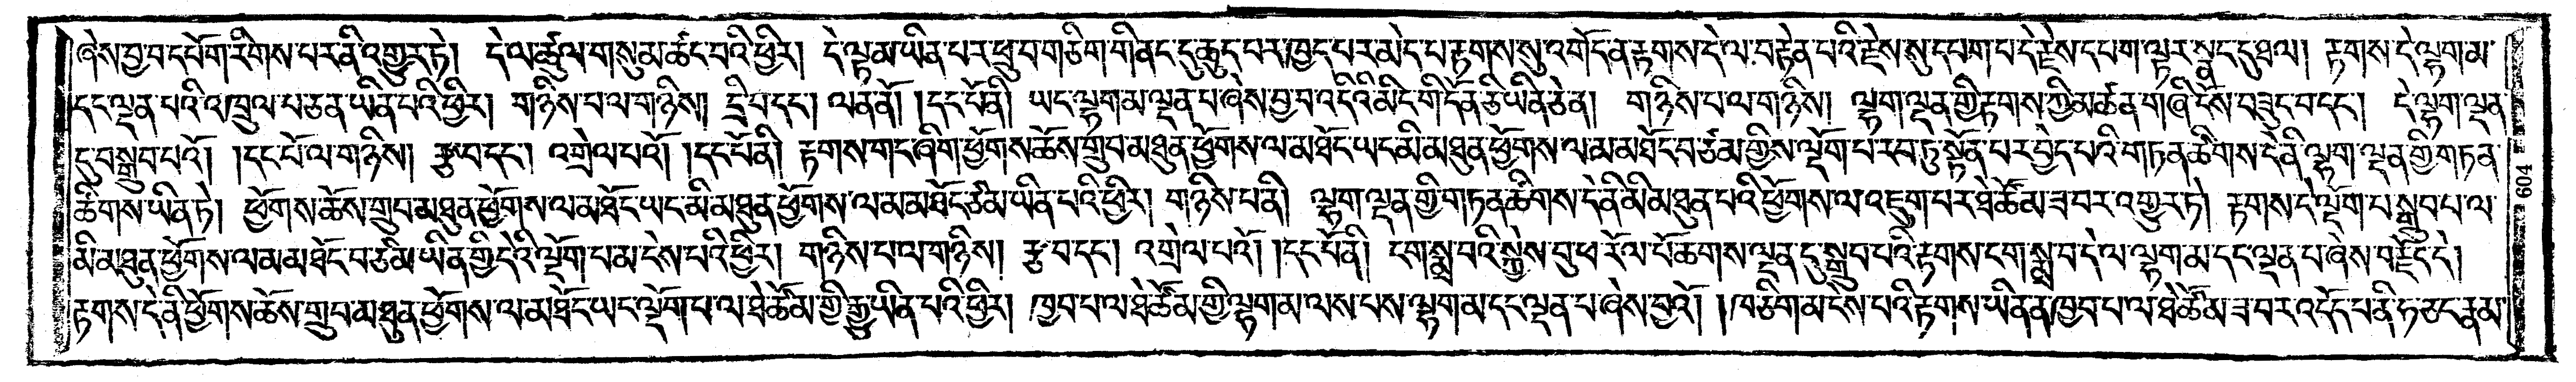ཞེས་བྱ་བ་དཔོག་རིགས་པར་ནི་འགྱུར་ཏེ། དེ་ལ་ཚུལ་གསུམ་ཚང་བའི་ཕྱིར། དེ་ལྟ་མ་ཡིན་པར་ཕྲུ་བ་གཅིག་གི་ནང་དུ་ཆུད་བར་ཁྱད་པར་མེད་པ་རྟགས་སུ་འགོད་ན་རྟགས་དེ་ལ་བརྟེན་པའི་རྗེས་སུ་དཔག་པ་དེ་རྗེས་དཔག་ལྟར་སྣང་དུ་ཐལ། རྟགས་དེ་ལྷག་མ་
དང་ལྡན་པའི་འཁྲུལ་པ་ཅན་ཡིན་པའི་ཕྱིར། གཉིས་པ་ལ་གཉིས། དྲི་བ་དང་། ལན་ནོ། །དང་པོ་ནི། ཡང་ལྷག་མ་ལྡན་པ་ཞེས་བྱ་བ་འདིའི་མིང་གི་དོན་ཅི་ཡིན་ཅེ་ན། གཉིས་པ་ལ་གཉིས། ལྷག་ལྡན་གྱི་རྟགས་ཀྱི་མཚན་གཞི་ངོས་བཟུང་བ་དང་། དེ་ལྷག་ལྡན་
དུ་བསྒྲུབ་པའོ། །དང་པོ་ལ་གཉིས། རྩ་བ་དང་། འགྲེལ་པའོ། །དང་པོ་ནི། རྟགས་གང་ཞིག་ཕྱོགས་ཆོས་གྲུབ་མཐུན་ཕྱོགས་ལ་མཐོང་ཡང་མི་མཐུན་ཕྱོགས་ལ་མ་མཐོང་བ་ཙམ་གྱིས་ལྡོག་པ་རབ་ཏུ་སྟོན་པར་བྱེད་པའི་གཏན་ཚིགས་དེ་ནི་ལྷག་ལྡན་གྱི་གཏན་
ཚིགས་ཡིན་ཏེ། ཕྱོགས་ཆོས་གྲུབ་མཐུན་ཕྱོགས་ལ་མཐོང་ཡང་མི་མཐུན་ཕྱོགས་ལ་མ་མཐོང་ཙམ་ཡིན་པའི་ཕྱིར། གཉིས་པ་ནི། ལྷག་ལྡན་གྱི་གཏན་ཚིགས་དེ་ནི་མི་མཐུན་པའི་ཕྱོགས་ལ་འཇུག་པར་ཐེ་ཚོམ་ཟ་བར་འགྱུར་ཏེ། རྟགས་དེ་ལྡོག་པ་སྒྲུབ་པ་ལ་
མི་མཐུན་ཕྱོགས་ལ་མ་མཐོང་བ་ཙམ་ཡིན་གྱི་དེའི་ལྡོག་པ་མ་ངེས་པའི་ཕྱིར། གཉིས་པ་ལ་གཉིས། རྩ་བ་དང་། འགྲེལ་པའོ། །དང་པོ་ནི། ངག་སྨྲ་བའི་སྐྱེས་བུ་ཕ་རོལ་པོ་ཆགས་ལྡན་དུ་སྶྒྲུབ་པའི་རྟགས་ངག་སྨྲ་བ་དེ་ལ་ལྷག་མ་དང་ལྡན་པ་ཞེས་བརྗོད་དེ།
རྟགས་དེ་ནི་ཕྱོགས་ཆོས་གྲུབ་མཐུན་ཕྱོགས་ལ་མཐོང་ཡང་ལྡོག་པ་ལ་ཐེ་ཚོམ་གྱི་རྒྱུ་ཡིན་པའི་ཕྱིར། ཁྱབ་པ་ལ་ཐེ་ཚོམ་གྱི་ཨེལྷག་མ་ལས་པས་ལྷག་མ་དང་ལྡན་པ་ཞེས་བྱའོ། །ཁ་ཅིག་མ་ངེས་པའི་རྟགས་ཡིན་ན་ཁྱབ་པ་ལ་ཐེ་ཚོམ་ཟ་བར་འདོད་པ་ནི་ཧ་ཅང་རྣམ་